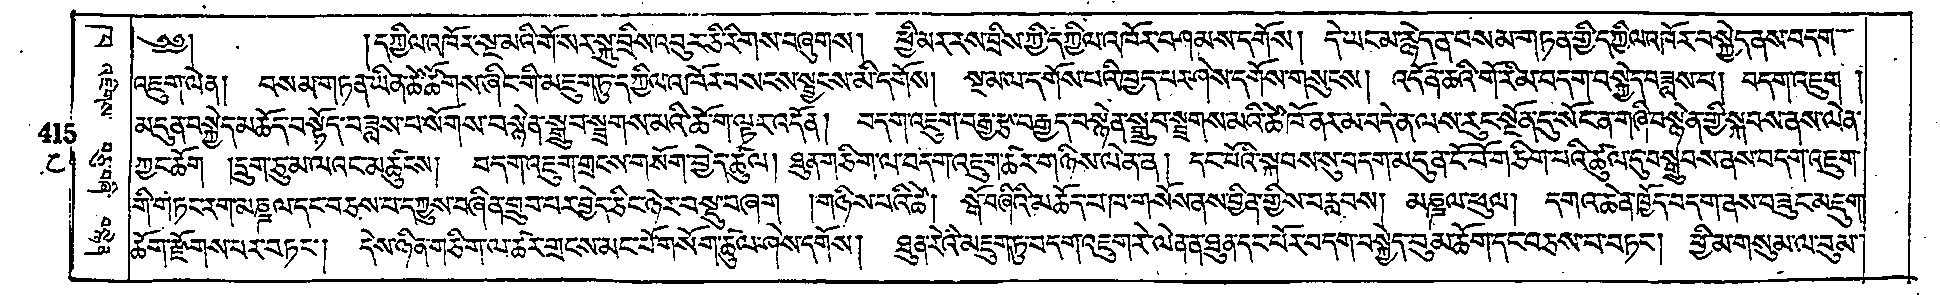༄༅། །དཀྱིལ་འཁོར་སྔ་མའི་གོ་སར་སྐུ་བྲིས་འབུར་ཅི་རིགས་བཞུགས། ཕྱི་མར་རས་བྲིས་ཀྱི་དཀྱིལ་འཁོར་བཤམས་དགོས། དེ་ཡང་མ་རྙེད་ན་བསམ་གཏན་གྱི་དཀྱིལ་འཁོར་བསྐྱེད་ནས་བདག་་་
འཇུག་ལེན། བསམ་གཏན་ཡིན་ཚེ་ཚོགས་ཞིང་གི་མཇུག་ཏུ་དཀྱིལ་འཁོར་བསངས་སྦྱངས་མི་དགོས། སྔ་མ་ལ་དགོས་པའི་ཁྱད་པར་ཤེས་དགོས་གསུངས། འདོན་ཆའི་གོ་རིམ་བདག་བསྐྱེད་བཟླས་པ། བདག་འཇུག །
མདུན་བསྐྱེད་མཆོད་བསྟོད་བཟླས་པ་སོགས་བསྙེན་སྒྲུབ་སྦྲགས་མའི་ཆོ་ག་ལྟར་འདོན། བདག་འཇུག་བརྒྱ་རྩ་བརྒྱད་བསྙེན་སྒྲུབ་སྦྲགས་མའི་ཚེ་ཁོ་ནར་མ་བདེ་ན་ལས་རུང་སྔོན་དུ་སོང་ན་གཞི་བསྙེན་གྱི་སྐབས་ནས་ལེན་
ཀྱང་ཆོག །དྲུག་ཅུ་མ་ལའང་མཚུངས། བདག་འཇུག་གྲངས་གསོག་བྱེད་ཚུལ། ཐུན་གཅིག་ལ་བདག་འཇུག་ཚར་གཉིས་ལེན་ན། དང་པོའི་སྐབས་སུ་བདག་མདུན་ངོ་བོ་གཅིག་པའི་ཚུལ་དུ་བསྒྲུབས་ནས་བདག་འཇུག་
གི་གཏང་རག་མཎྜལ་དང་བཅས་པ་དཀྱུས་བཞིན་གྲུབ་པར་བྱེད་ཅིང་ཉེར་བསྡུ་བཞག །གཉིས་པའི་ཚེ། སྒོ་བཞིའི་མཆོད་པ་ཁ་གསོས་ནས་བྱིན་གྱིས་བརླབས། མཎྜལ་ཕུལ། དགའ་ཆེན་ཁྱོད་བདག་ནས་བཟུང་མཇུག་
ཆོག་རྫོགས་པར་བཏང་། དེས་ཉིན་གཅིག་ལ་ཚར་གྲངས་མང་པོ་གསོག་ཚུལ་ཤེས་དགོས། ཐུན་རེའི་མཇུག་ཏུ་བདག་འཇུག་རེ་ལེན་ན་ཐུན་དང་པོར་བདག་བསྐྱེད་བུམ་ཆོག་དང་བཅས་པ་བཏང་། ཕྱི་མ་གསུམ་ལ་བུམ་་་